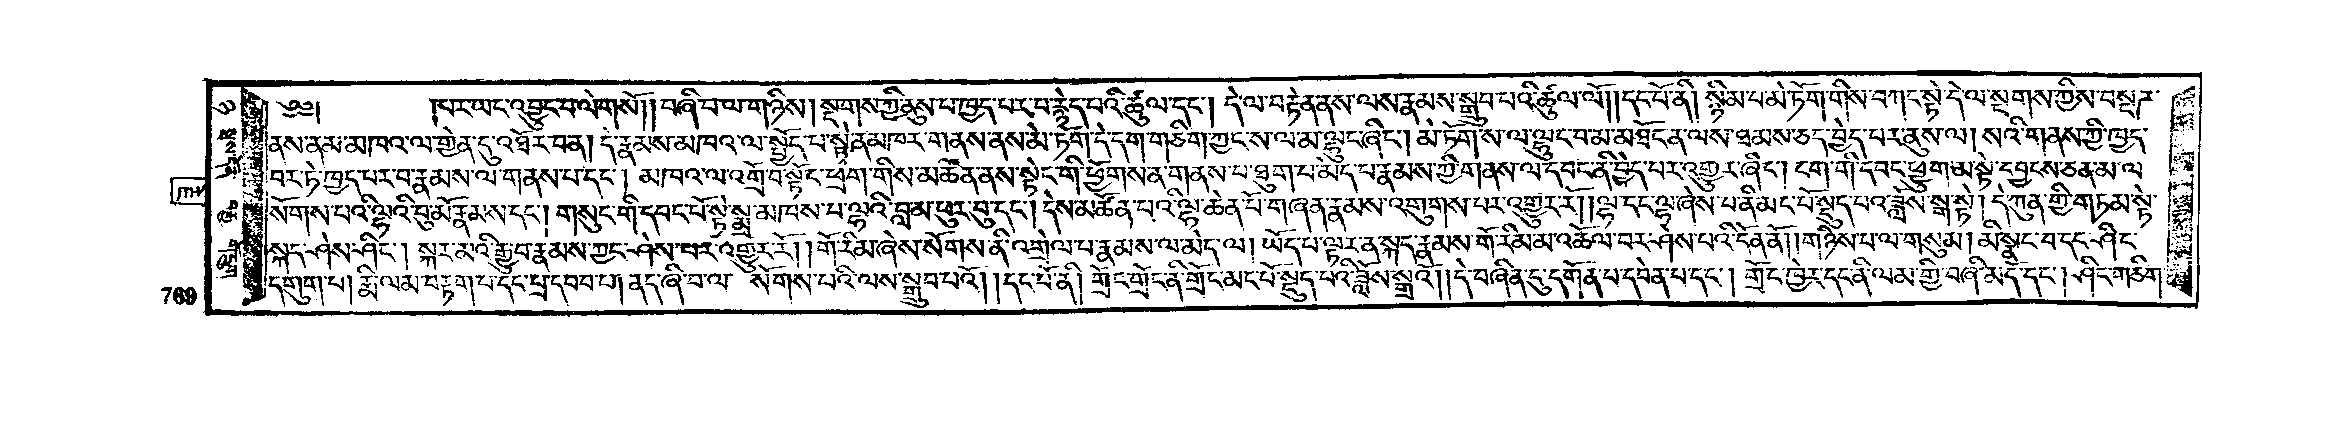༄༅། །པར་ཡང་འབྱུང་བ་ལེགས་སོ། །བཞི་པ་ལ་གཉིས། སྔགས་ཀྱི་ནུས་པ་ཁྱད་པར་བ་རྙེད་པའི་ཚུལ་དང་། དེ་ལ་བརྟེན་ནས་ལས་རྣམས་སྒྲུབ་པའི་ཚུལ་ལོ། །དང་པོ་ནི། སྙིམ་པ་མེ་ཏོག་གིས་བཀང་སྟེ་དེ་ལ་སྔགས་ཀྱིས་བསྔགས་
ནས་ནམ་མཁའ་ལ་གྱེན་དུ་འཐོར་བ་ན། དེ་རྣམས་མཁའ་ལ་སྤྱོད་པ་སྟེ་ནམ་མཁར་གནས་ནས་མེ་ཏོག་དེ་དག་གཅིག་ཀྱང་ས་ལ་མ་ལྷུང་ཞིང་། མེ་ཏོག་ས་ལ་ལྷུང་བ་མ་མཐོང་ན་ལས་ཐམས་ཅད་བྱེད་པར་ནུས་ལ། སའི་གནས་ཀྱི་ཁྱད་
བར་ཏེ་ཁྱད་པར་བ་རྣམས་ལ་གནས་པ་དང་། མཁའ་ལ་འགྲོ་བ་སྟོང་ཕྲག་གིས་མཚོན་ནས་སྟེང་གི་ཕྱོགས་ན་གནས་པ་ཐུག་པ་མེད་པ་རྣམས་ཀྱི་གནས་ལ་དབང་ནི་བྱེད་པར་འགྱུར་ཞིང་། ངག་གི་དབང་ཕྱུག་མ་སྟེ་དབྱངས་ཅན་མ་ལ་
སོགས་པའི་ལྷའི་བུ་མོ་རྣམས་དང་། གསུང་གི་དབང་པོ་སྟེ་སྨྲ་མཁས་པ་ལྷའི་བླ་མ་ཕུར་བུ་དང་། དེས་མཚོན་པའི་ལྷ་ཆེན་པོ་གཞན་རྣམས་འགུགས་པར་འགྱུར་རོ། །ལྷ་དང་ལྷ་ཞེས་པ་ནི་མང་པོ་སྡུད་པའི་ཟློས་སྒྲ་སྟེ། དེ་ཀུན་གྱི་གཏམ་སྟེ་
སྐད་ཤེས་ཤིང་། སྐར་མའི་རྒྱུ་བ་རྣམས་ཀྱང་ཤེས་པར་འགྱུར་རོ། །གོ་རིམ་ཞེས་སོགས་ནི་འགྲེལ་པ་རྣམས་ལ་མེད་ལ། ཡོད་པ་ལྟར་ན་སྐད་རྣམས་གོ་རིམ་མ་འཆོལ་བར་ཤེས་པའི་དོན་ནོ། །གཉིས་པ་ལ་གསུམ། མི་སྣང་བ་དང་ཤིང་
དགུག་པ། རྨི་ལམ་བརྟག་པ་དང་པྲ་དབབ་པ། ནད་ཞི་བ་ལ་སོགས་པའི་ལས་སྒྲུབ་པའོ། །དང་པོ་ནི། གྲོང་གྲོང་ནི་གྲོང་མང་པོ་སྡུད་པའི་ཟློས་སྒྲའོ། །དེ་བཞིན་དུ་དགོན་པ་དབེན་པ་དང་། གྲོང་ཁྱེར་དང་ནི་ལམ་གྱི་བཞི་མདོ་དང་། ཤིང་གཅིག་